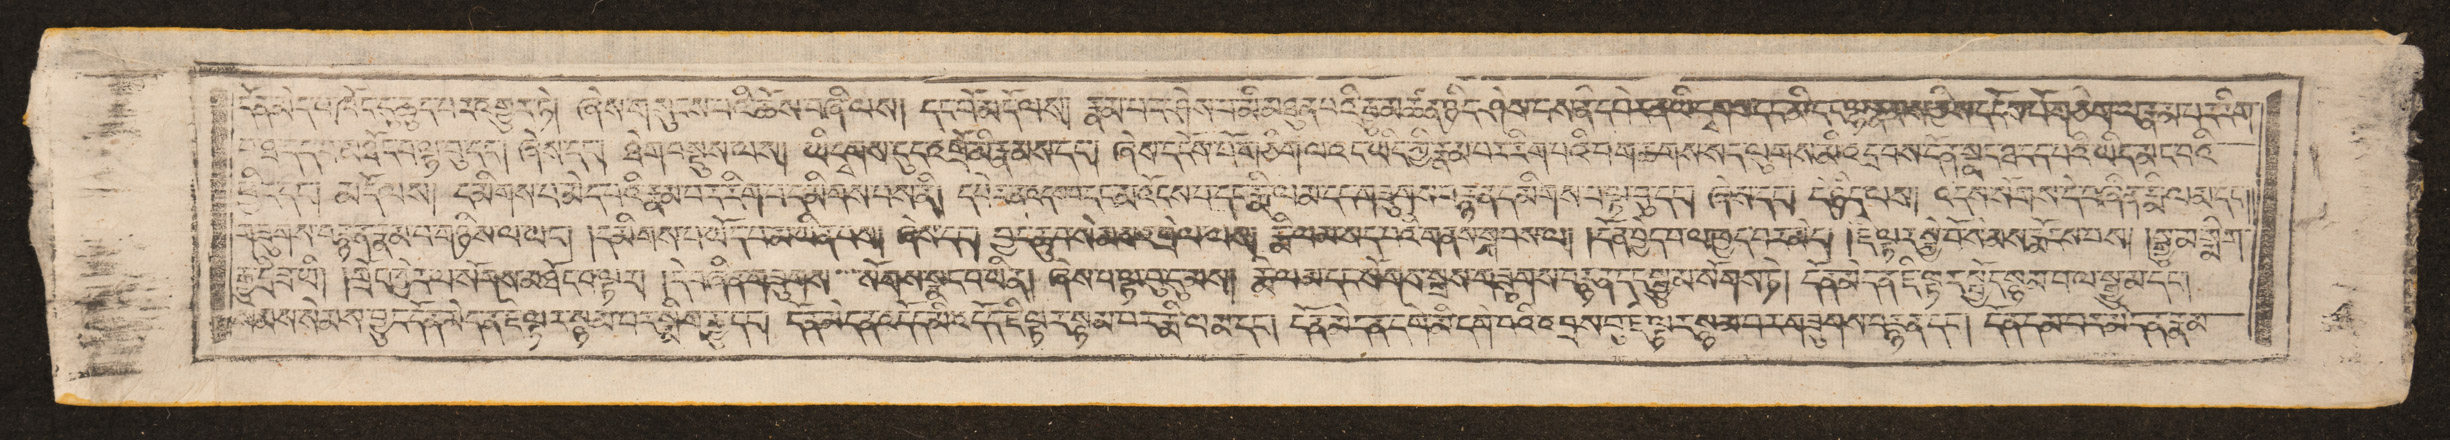དོན་མེད་པ་ཁོང་དུ་ཆུད་པར་འགྱུར་ཏེ། ཞེས་གསུངས་པའི་ཆོས་བཞི་ལས། དང་པོ་མདོ་ལས། རྣམ་པར་ཤེས་པ་མི་མཐུན་པའི་རྒྱུ་མཚན་ཉིད་ཤེས་པས་ནི་དཔེར་ན་ཡི་དྭགས་དང་མི་དང་ལྷ་རྣམས་ཀྱིས་དངོས་པོ་གཅིག་ལ་རྣམ་པར་རིག་
པ་ཐ་དད་པ་མཐོང་བ་ལྟ་བུ་དང་། ཞེས་དང་། ཐེག་བསྡུས་ལས། ཡི་དྭགས་དུད་འགྲོ་མི་རྣམས་དང་། ཞེས་དངོས་པོ་གཅིག་ལའང་ཡིད་ཀྱི་རྣམ་པར་རིག་པའི་བག་ཆགས་སད་ལུགས་མི་འདྲ་བས་དོན་སྣང་ཐ་དད་པའི་ཡིད་མང་བའི་
ཕྱིར་དང་། མདོ་ལས། དམིགས་པ་མེད་པའི་རྣམ་པར་རིག་པ་དམིགས་བས་ནི། དཔེར་ན་འདས་པ་དང་མ་འོངས་པ་དང་རྨི་ལམ་དང་གཟུགས་བརྙན་དམིགས་པ་ལྟ་བུ་དང་། ཞེས་དང་། དེ་ཉིད་ལས། འདས་སོགས་དེ་བཞིན་རྨི་ལམ་དང་
གཟུགས་བརྙན་རྣམ་པ་གཉིས་ལ་ཡང་། །དམིགས་པ་ཡོད་པ་མ་ཡིན་པས། ཞེས་དང་། བྱང་ཆུབ་སེམས་འགྲེལ་ལས། རྨི་ལམ་སད་པའི་གནས་སྐབས་ལ། །དོན་བྱེད་པ་ལ་ཁྱད་པར་མེད། །ཇི་ལྟར་སྐྱེ་བོ་སེམས་རྨོངས་པས། །སྒྱུ་མ་སྨིག་
རྒྱུ་དྲི་ཟ་ཡི། །གྲོང་ཁྱེར་ལ་སོགས་མཐོང་བ་ལྟར། །དེ་བཞིན་གཟུགས་སོགས་སྣང་བ་ཡིན། ཞེས་པ་ལྟ་བུ་དུ་མས། རྨི་ལམ་དང་སོགས་སྒྲས་གཟུགས་བརྙན་དང་སྐྱུ་མ་སོགས་ཏེ། དོན་མེད་ན་ཇི་ལྟར་སྤྱོད་སྙམ་པ་ལ་སྒྱུ་མ་དང་།
སེམས་སེམས་བྱུང་དོན་མེད་ན་ཇི་ལྟར་སྙམ་པར་སྨིག་རྒྱུ་དང་། དོན་མེད་ན་འདོད་མི་འདོད་ཇི་ལྟར་སྙམ་པར་རྨི་ལམ་དང་། དོན་མེད་ན་དགེ་མི་དགེ་བའི་འབྲས་བུ་ཇི་ལྟར་སྙམ་པར་གཟུགས་བརྙན་དང་། དོན་དམ་པར་མེད་ན་རྣམ་